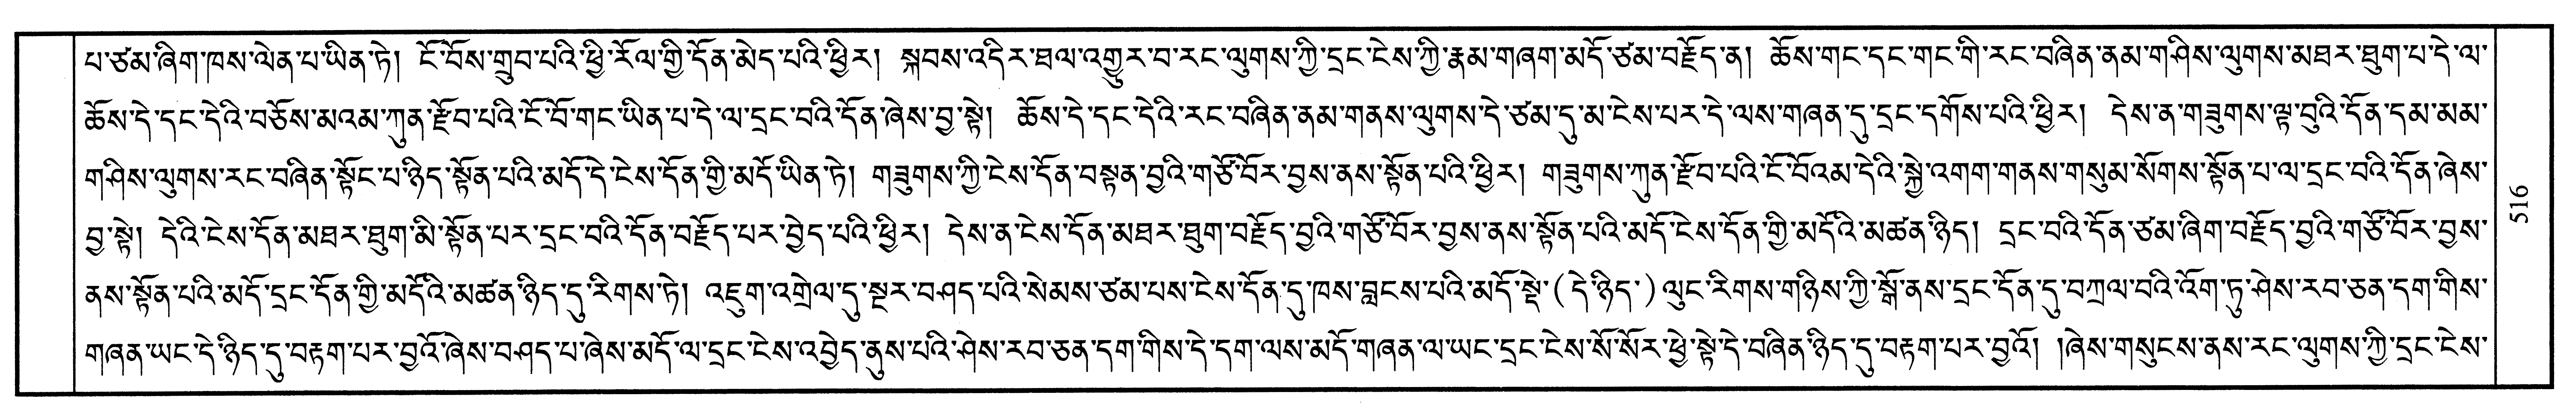པ་ཙམ་ཞིག་ཁས་ལེན་པ་ཡིན་ཏེ། ངོ་བོས་གྲུབ་པའི་ཕྱི་རོལ་གྱི་དོན་མེད་པའི་ཕྱིར། སྐབས་འདིར་ཐལ་འགྱུར་བ་རང་ལུགས་ཀྱི་དྲང་ངེས་ཀྱི་རྣམ་གཞག་མདོ་ཙམ་བརྗོད་ན། ཆོས་གང་དང་གང་གི་རང་བཞིན་ནམ་གཤིས་ལུགས་མཐར་ཐུག་པ་དེ་ལ་
ཆོས་དེ་དང་དེའི་བཅོས་མའམ་ཀུན་རྫོབ་པའི་ངོ་བོ་གང་ཡིན་པ་དེ་ལ་དྲང་བའི་དོན་ཞེས་བྱ་སྟེ། ཆོས་དེ་དང་དེའི་རང་བཞིན་ནམ་གནས་ལུགས་དེ་ཙམ་དུ་མ་ངེས་པར་དེ་ལས་གཞན་དུ་དྲང་དགོས་པའི་ཕྱིར། དེས་ན་གཟུགས་ལྟ་བུའི་དོན་དམ་མམ་
གཤིས་ལུགས་རང་བཞིན་སྟོང་པ་ཉིད་སྟོན་པའི་མདོ་དེ་ངེས་དོན་གྱི་མདོ་ཡིན་ཏེ། གཟུགས་ཀྱི་ངེས་དོན་བསྟན་བྱའི་གཙོ་བོར་བྱས་ནས་སྟོན་པའི་ཕྱིར། གཟུགས་ཀུན་རྫོབ་པའི་ངོ་བོའམ་དེའི་སྐྱེ་འགག་གནས་གསུམ་སོགས་སྟོན་པ་ལ་དྲང་བའི་དོན་ཞེས་
བྱ་སྟེ། དེའི་ངེས་དོན་མཐར་ཐུག་མི་སྟོན་པར་དྲང་བའི་དོན་བརྗོད་པར་བྱེད་པའི་ཕྱིར། དེས་ན་ངེས་དོན་མཐར་ཐུག་བརྗོད་བྱའི་གཙོ་བོར་བྱས་ནས་སྟོན་པའི་མདོ་ངེས་དོན་གྱི་མདོའི་མཚན་ཉིད། དྲང་བའི་དོན་ཙམ་ཞིག་བརྗོད་བྱའི་གཙོ་བོར་བྱས་
ནས་སྟོན་པའི་མདོ་དྲང་དོན་གྱི་མདོའི་མཚན་ཉིད་དུ་རིགས་ཏེ། འཇུག་འགྲེལ་དུ་སྔར་བཤད་པའི་སེམས་ཙམ་པས་ངེས་དོན་དུ་ཁས་བླངས་པའི་མདོ་སྡེ་དེ་ཉིད་ལུང་རིགས་གཉིས་ཀྱི་སྒོ་ནས་དྲང་དོན་དུ་བཀྲལ་བའི་འོག་ཏུ་ཤེས་རབ་ཅན་དག་གིས་
གཞན་ཡང་དེ་ཉིད་དུ་བརྟག་པར་བྱའོ་ཞེས་བཤད་པ་ཞེས་མདོ་ལ་དྲང་ངེས་འབྱེད་ནུས་པའི་ཤེས་རབ་ཅན་དག་གིས་དེ་དག་ལས་མདོ་གཞན་ལ་ཡང་དྲང་ངེས་སོ་སོར་ཕྱེ་སྟེ་དེ་བཞིན་ཉིད་དུ་བརྟག་པར་བྱའོ། །ཞེས་གསུངས་ནས་རང་ལུགས་ཀྱི་དྲང་ངེས་